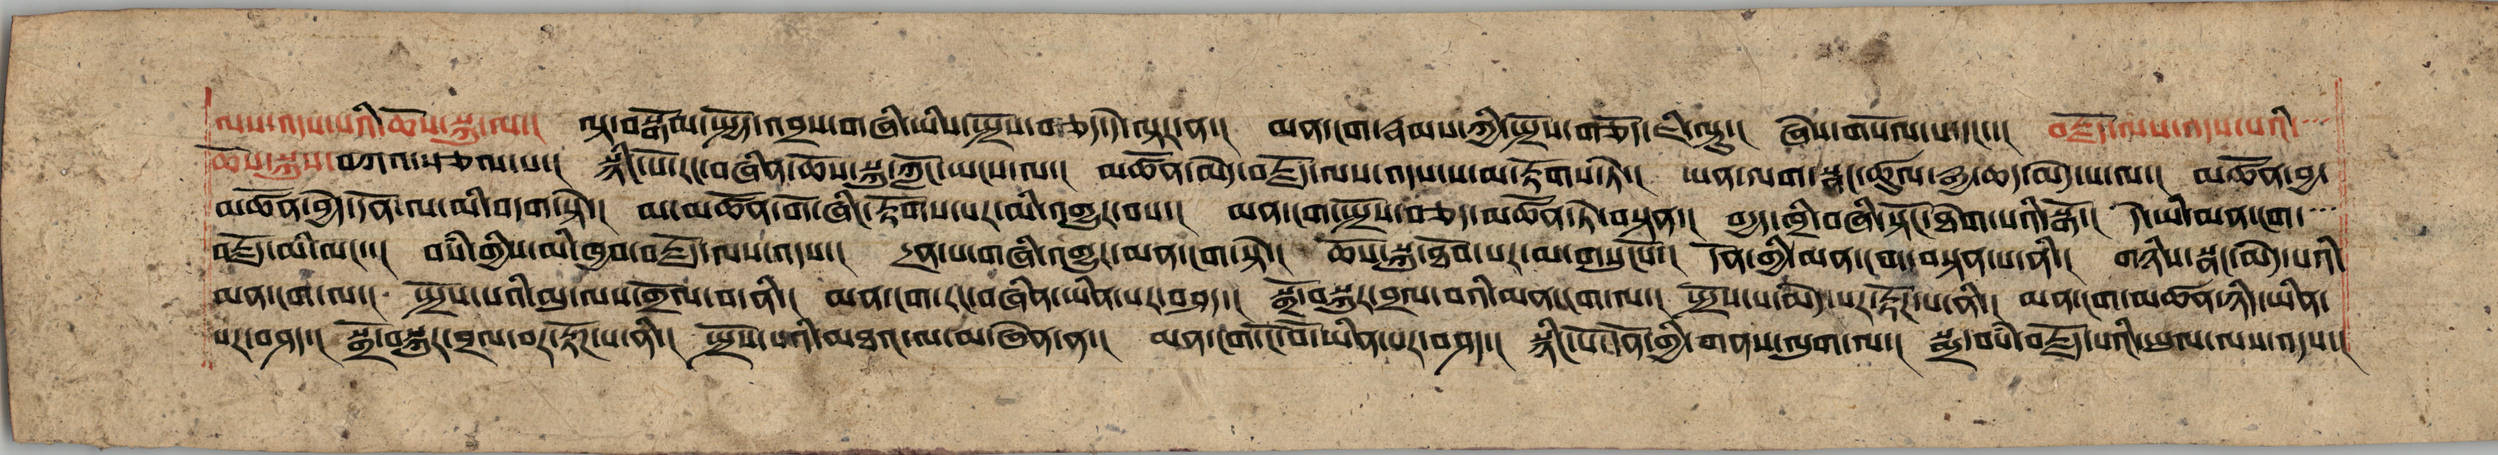ལས་འདས་པའི་ཆོས་སྐུ་ལ་། ལྟ་བསྒོམ་སྤྱོད་འབྲས་གཞི་ཡིས་སྤྲོས་བཅད་དེ་ལྟར་ན་། མན་ངག་རྣམས་ཀྱི་སྤྲོས་གཅོད་ཇི་ལྟུ་། ཞེས་གསོལ་པ་དང་་། བརྗོད་ལས་འདས་པའི་
ཆོས་སྐུའི་བཀའ་སྩལ་པ་། སྙིང་པོ་རང་བཞིན་ཆོས་སྐུ་ཀློང་ཡངས་ལ་། མཚོན་མེད་བརྗོད་ལས་འདས་པ་མ་རྟོགས་ཏེ་། ཡན་ལག་སྦྱང་ཚུལ་རྒྱ་ཆད་མེད་པ་ལ་། མཚོན་བྱ་
མཚོན་བྱེད་དོན་ལ་མི་བདག་སྟེ་། མ་མཚོན་གོ་ཞིང་རྟོགས་པར་མི་འགྱུར་བས་། མན་ངག་སྤྲོས་བཅད་མཚོན་ཏེ་བསྟན་། བདྱད་ཁྲི་བཞི་སྟོང་ཐེག་པའི་སྒོ་། དེ་ཡི་མན་ངག་
བརྗོད་མི་ལང་་། བསཾ་གྱིས་མི་ཁྱབ་བརྗོད་ལས་འདས་། དྲན་པ་གཞི་འགྱུར་མན་ངག་སྟེ་། ཆོས་སྐུ་ཐོབ་པར་མི་གསུངསོ་། དོན་གྱི་མན་ངག་བསྟན་པ་ནི་། གཉིས་སྣང་མེད་པའི་
མན་ངག་ལ་། སྤྲོས་པའི་མུ་ལས་གྲོལ་བ་ནི་། མན་ངག་རང་བཞིན་ཡིན་པར་བཤད་། སྒྲོ་བསྐུར་བྲལ་བའི་མན་ངག་ལ་། སྤྲོས་པ་མེད་པར་རྟོཌ་པ་ནི་། མན་ངག་མཚན་ཉིད་ཡིན་
པར་བཤད་། སྒྲོ་བསྐུར་བྲལ་བར་རྟོཌ་པ་ནི་། སྤྲོས་པའི་མཐའ་ལ་མ་ཞེན་ན་། མན་ངག་ངོ་བོ་ཡིན་པར་བཤད་། སྙིང་པོ་དོན་གྱི་གནས་ལུག་ལ་། སྨྲ་བསཾ་བརྗོད་པའི་ཡུལ་ལས་འདས་།